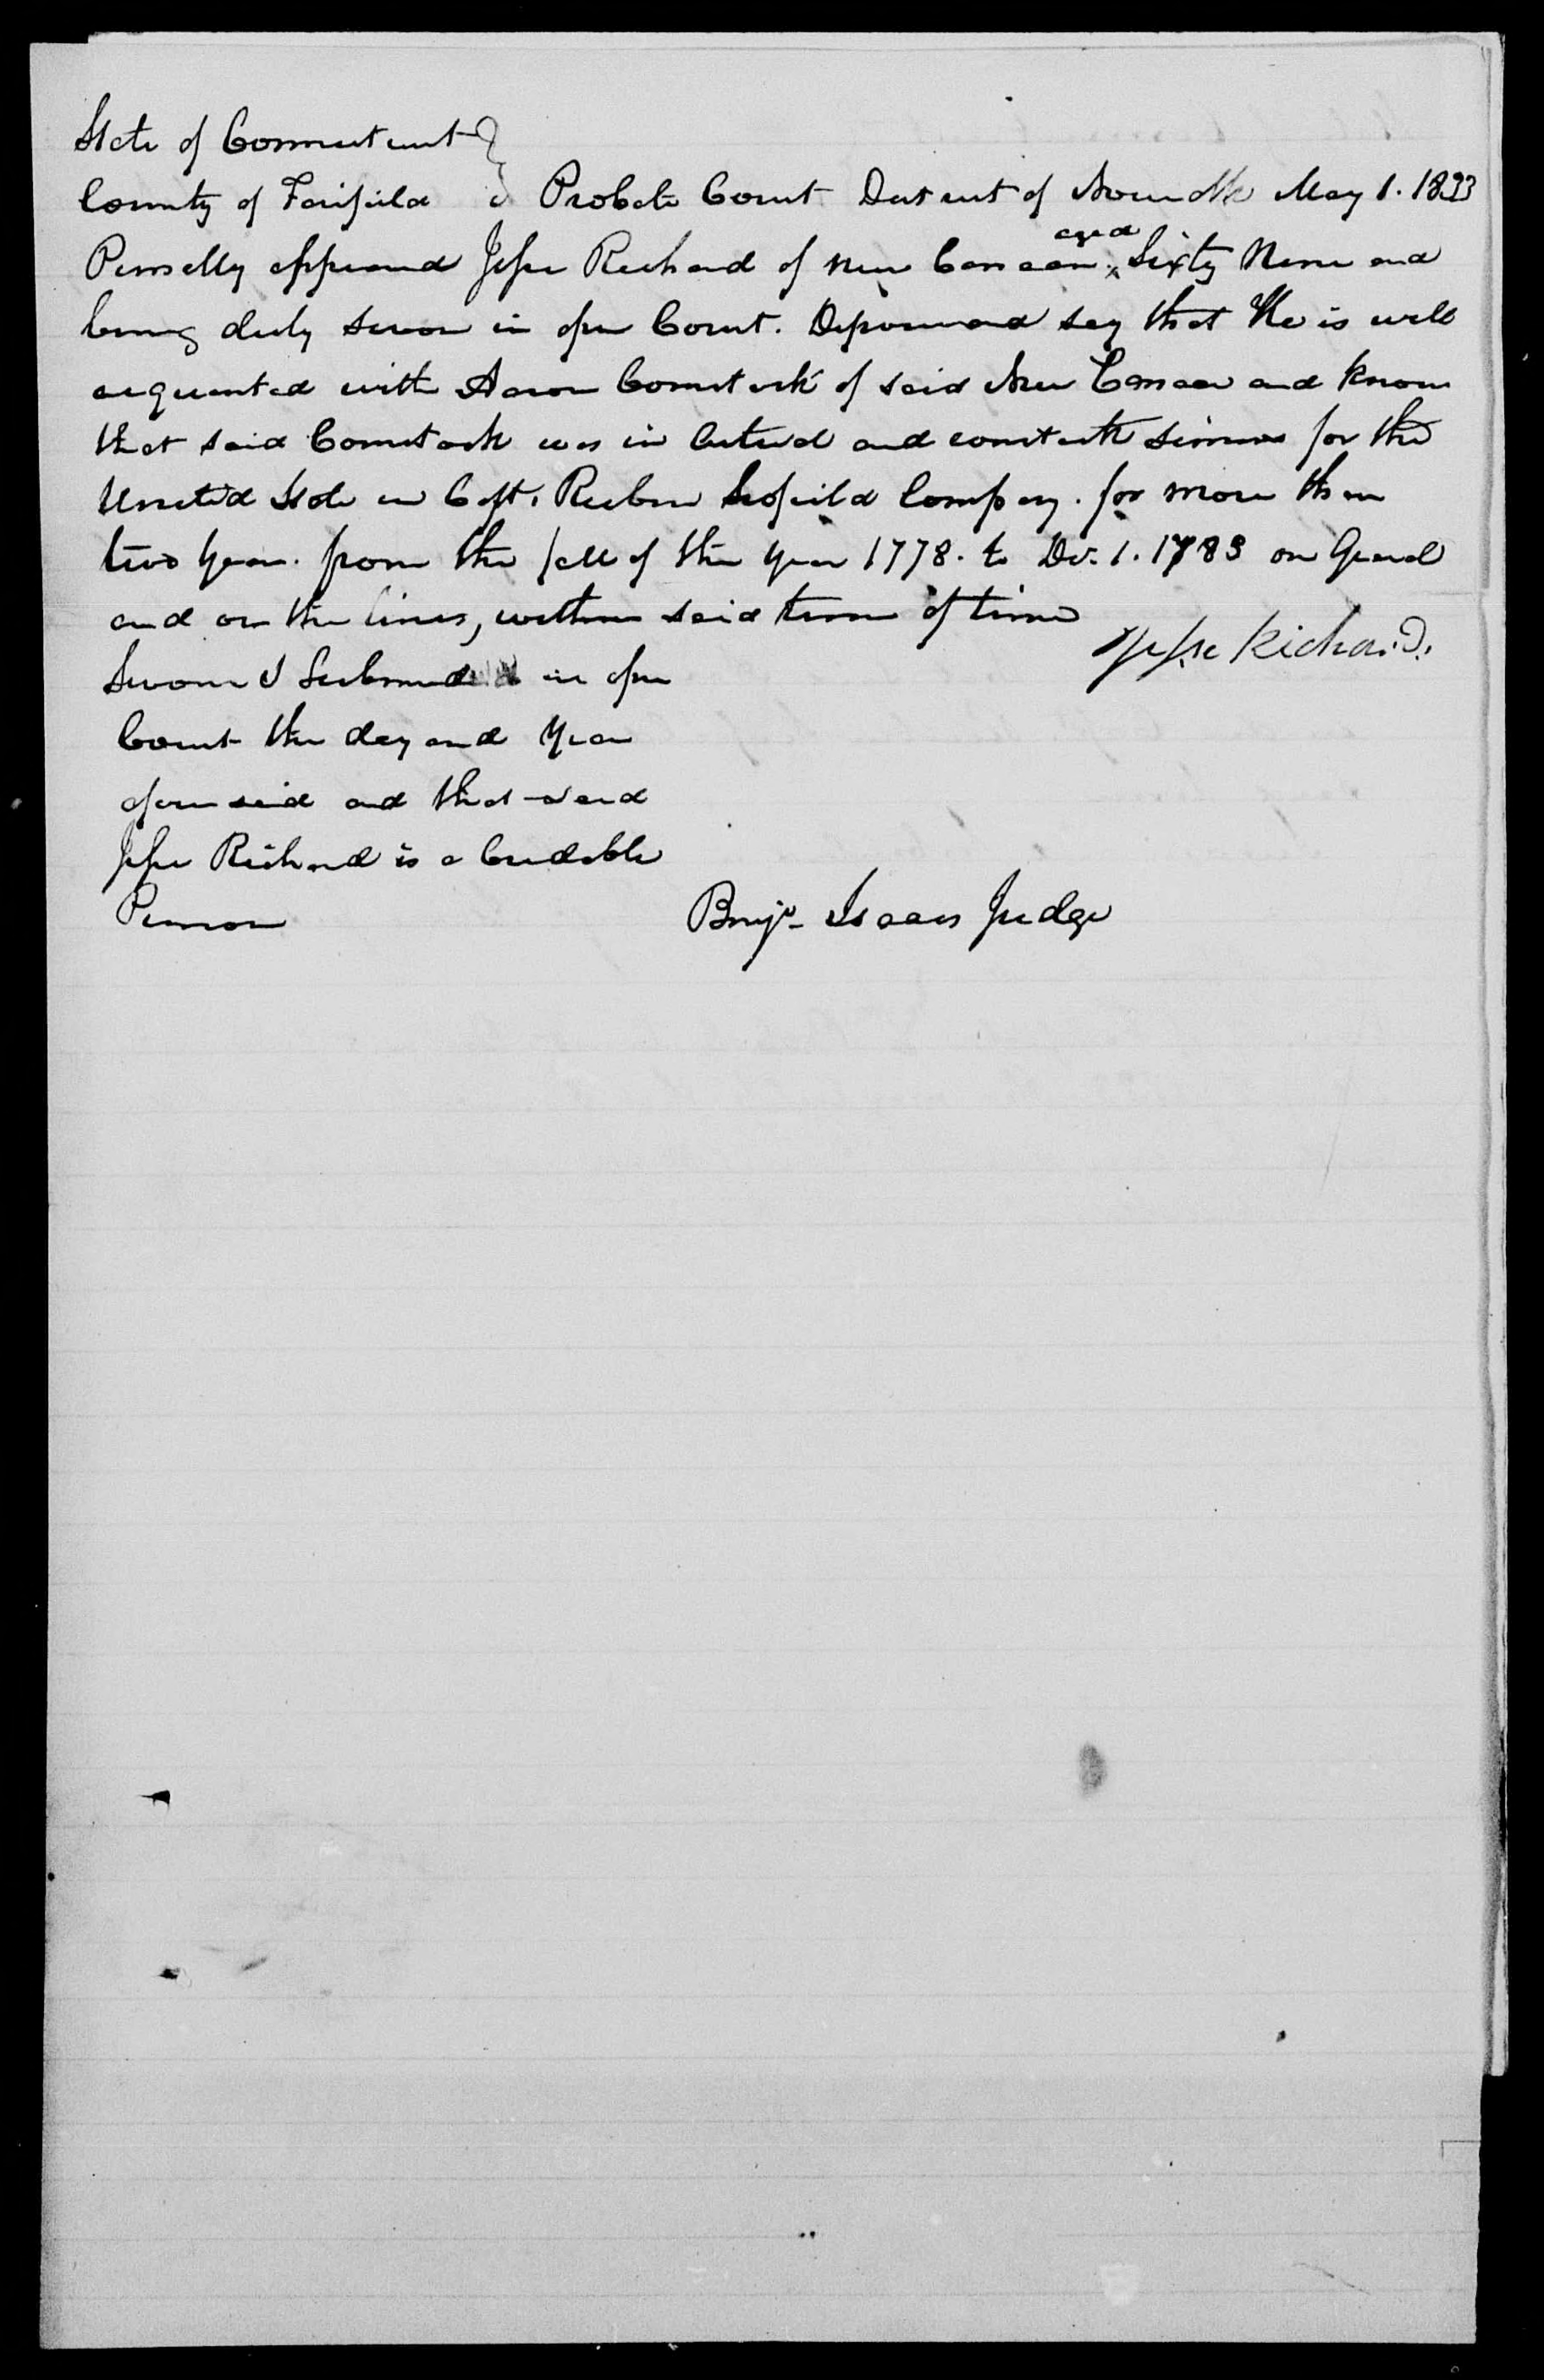State of Connecticut
County of Fairfield Probate Court District of Norwalk May 1. 1833
Personally appeared Jesse Richard of New Canaan ^aged Sixty Nine and being duly sworn in open Court, Depose and say that He is well acquainted with Aaron Comstock of said New Canaan and knows that said Comstock was in Actual and constant service for the United States in Capt. Reuben Scofield Company. for more than two years. from the fall of the year 1778. to Dcr. 1. 1783 on Guard and on the lines, within said term of time
Jesse Richard
Sworn & Subscribed in open
Court the day and Year
aforesaid and that said
Jesse Richard is a Credible
Person  Benjn Isaacs Judge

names: John Richard, Benjn Isaacs, Aaron Comstock, Comstock, Jesse Richards, John Richard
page: 39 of 43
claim: widow's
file: W. 17,647, Aaron Comstock, Conn.